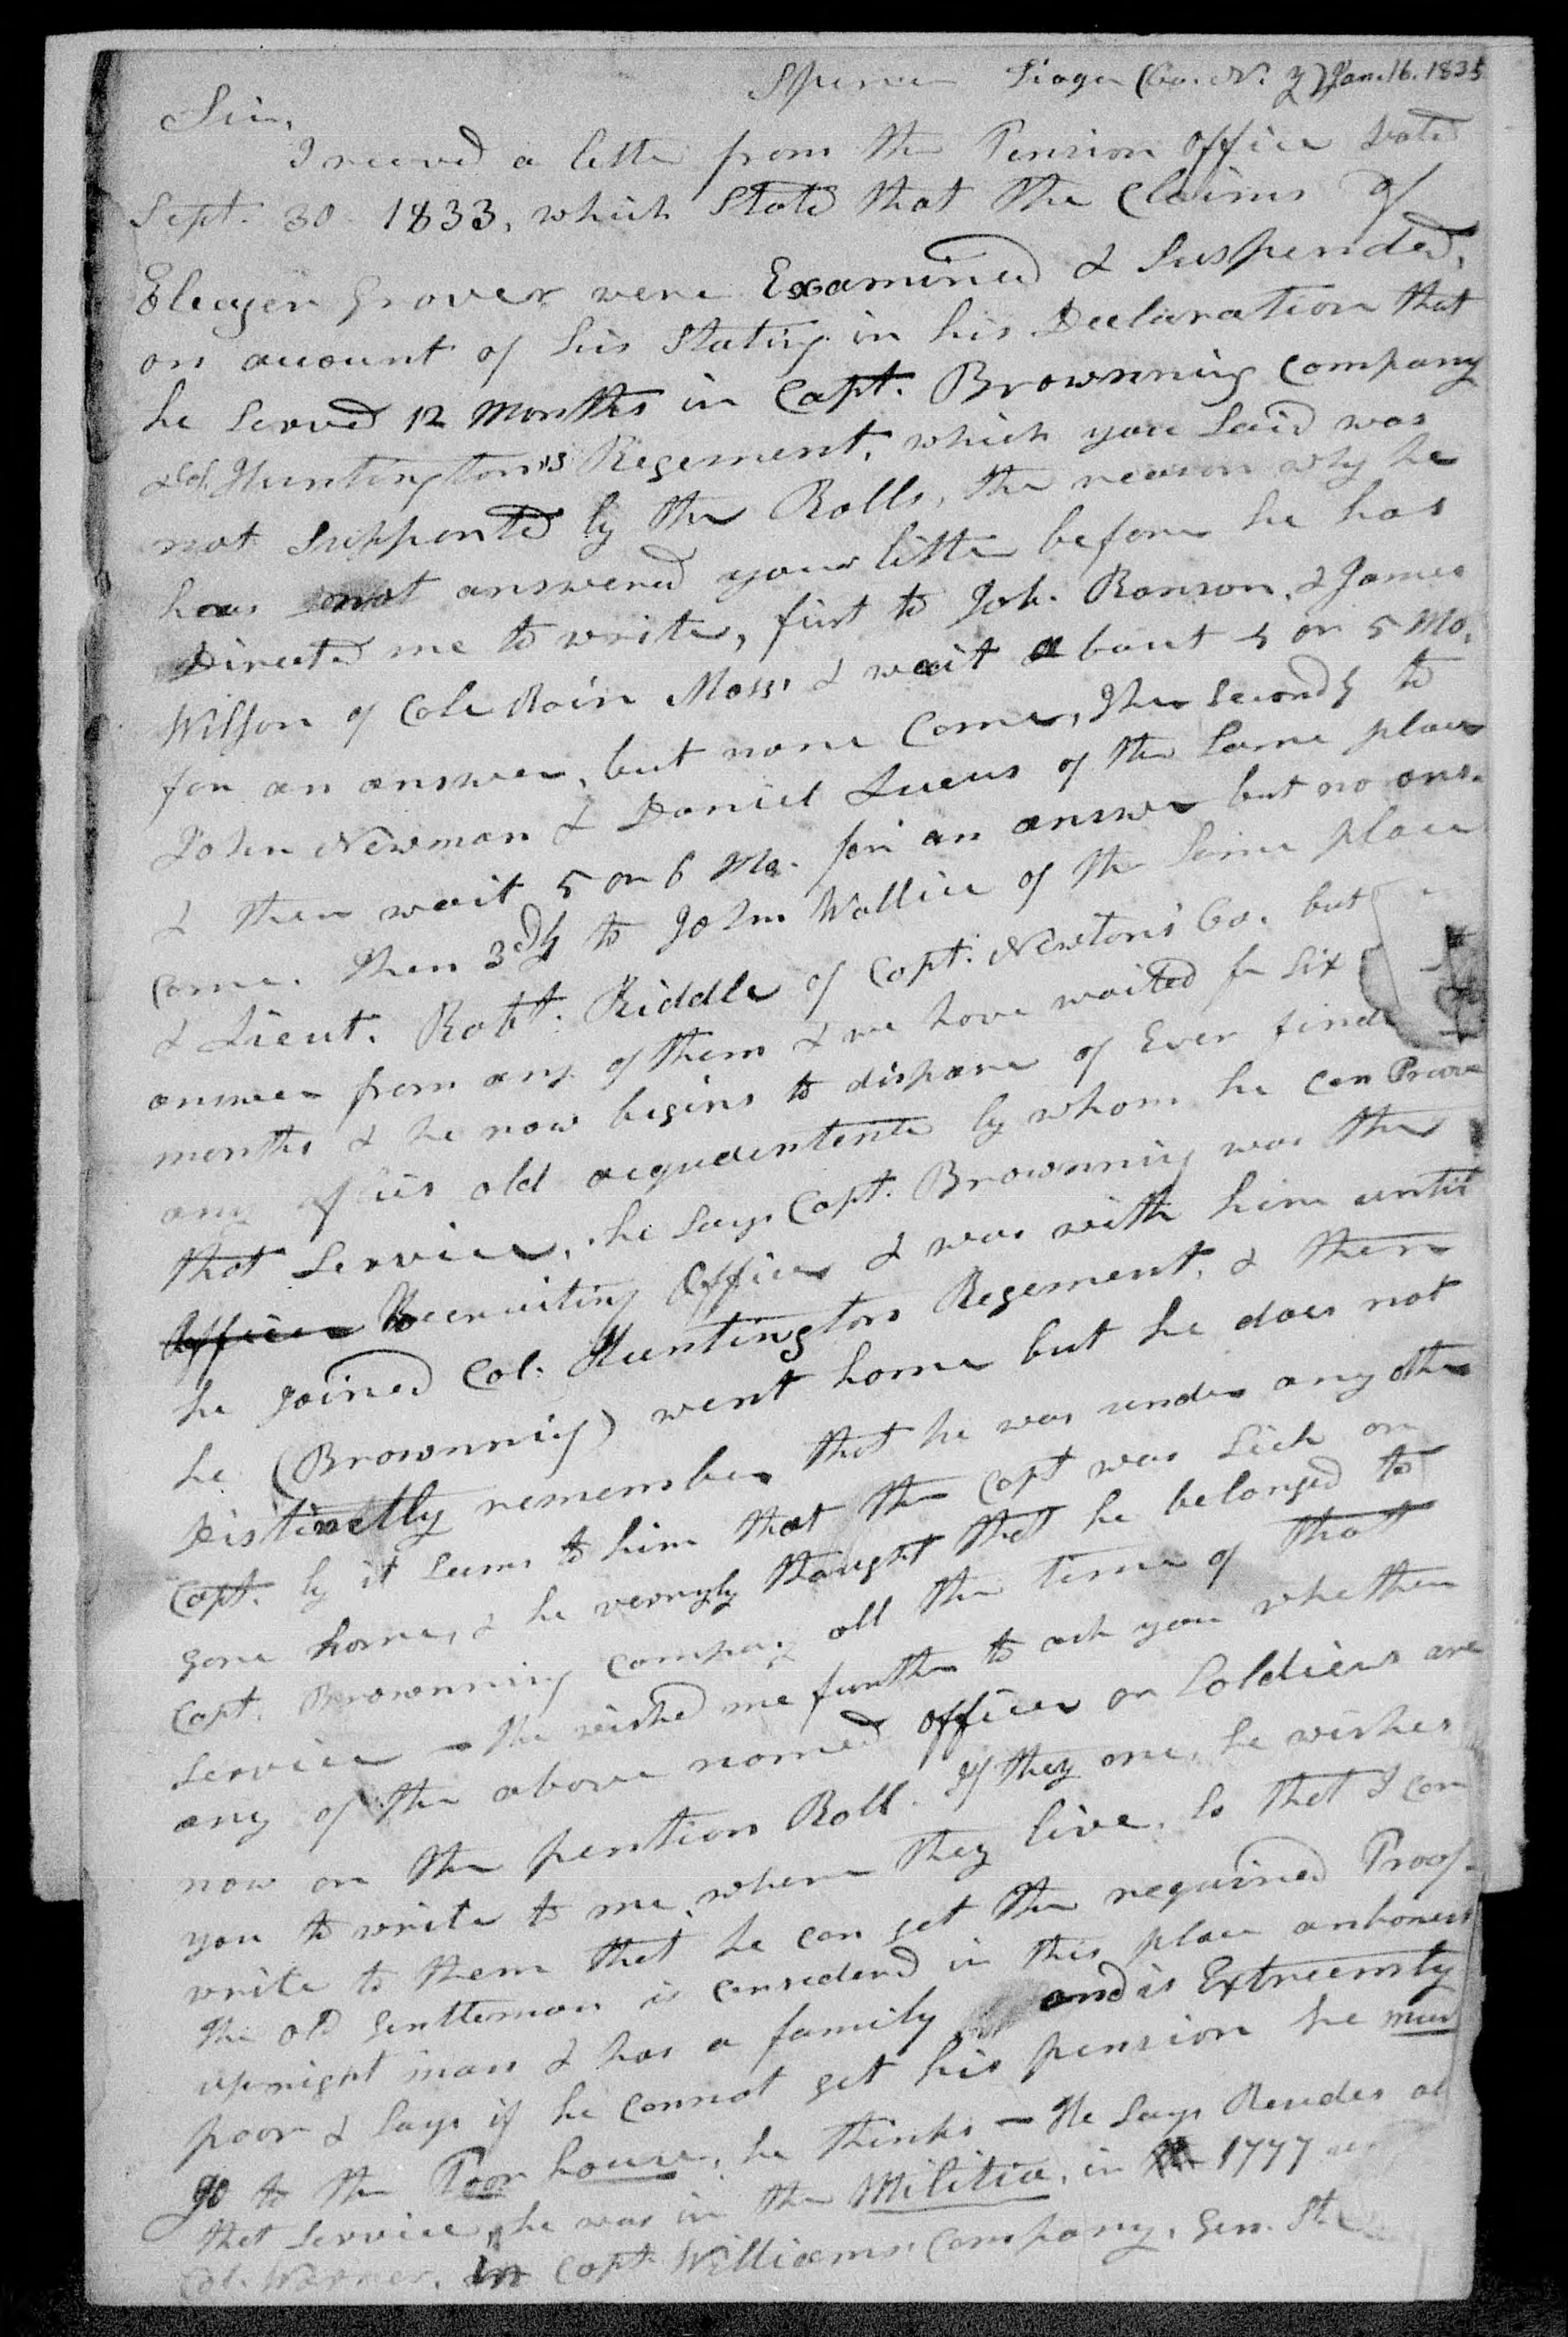[handwritten letter]
Spencer Tioga (Co. N. Y.) Jan. 16, 1835
Sir,
I received a letter from the Pension Office dated Sept. 30, 1833, which stated that the claims of Eleazer Grover were Examined & Suspended, on account of his stating in his Declaration that he served 12 months in Capt. Browning Company & Col. Huntington's Regiment, which you said was not supported by the Rolls, the reason why he has not answered your letter before he has Directed me to write, first to John Ronson, & James Wilson of Colerain Mass. & wait about 4 or 5 Mo, for an answer, but none came, & his records to John Newman & Daniel Lucus of the same place & then wait 5 or 6 mo. for an answer but no ans. come, then 3 day to John Wallice of the same place & Lieut. Robt. Riddle of Capt. Newton's co. but no answer from any of them & we have waited for six months & he now begins to dispare of ever finding any of his old acquaintance by whom he can prove that service. he says Capt. Browning was the ['Officer' crossed out] Recruiting Officer & was with him until he joined Col. Huntington Regiment, & then he (Browning) went home but he does not distinctly remember that he was under any other Capt. by it seems to him that the Capt was Sick or gone home, & he wrongly thought that he belonged to Capt. Browning company all the time of that Service - He wishes me further to ask you whether any of the above named officer or Soldiers are now on the pention Roll. If they are, he wishes you to write to me, where they live, so that I can write to them that he can get the required Proof. This old gentleman is considered in this place an honest upright man & has a family and is Extremely poor & says if he cannot get his pension he must go to the Poor house, he thinks - He says Besides all that service, he was in the Militia, in ['the' crossed out] 1777 served Col. Warner, in Capt. Williams Company Gen. [illegible]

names: Browning, Leems, Bernard, John Newman, Robt Riddle, Warner, Eleazer Grover, Daniel Lucus, Stanley, Browning, John Wallice, James Wilson, John Ranson, Lick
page: 14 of 43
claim: survivor's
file: S. 28748, Eleazer Grover, Continental Mass. Vt.